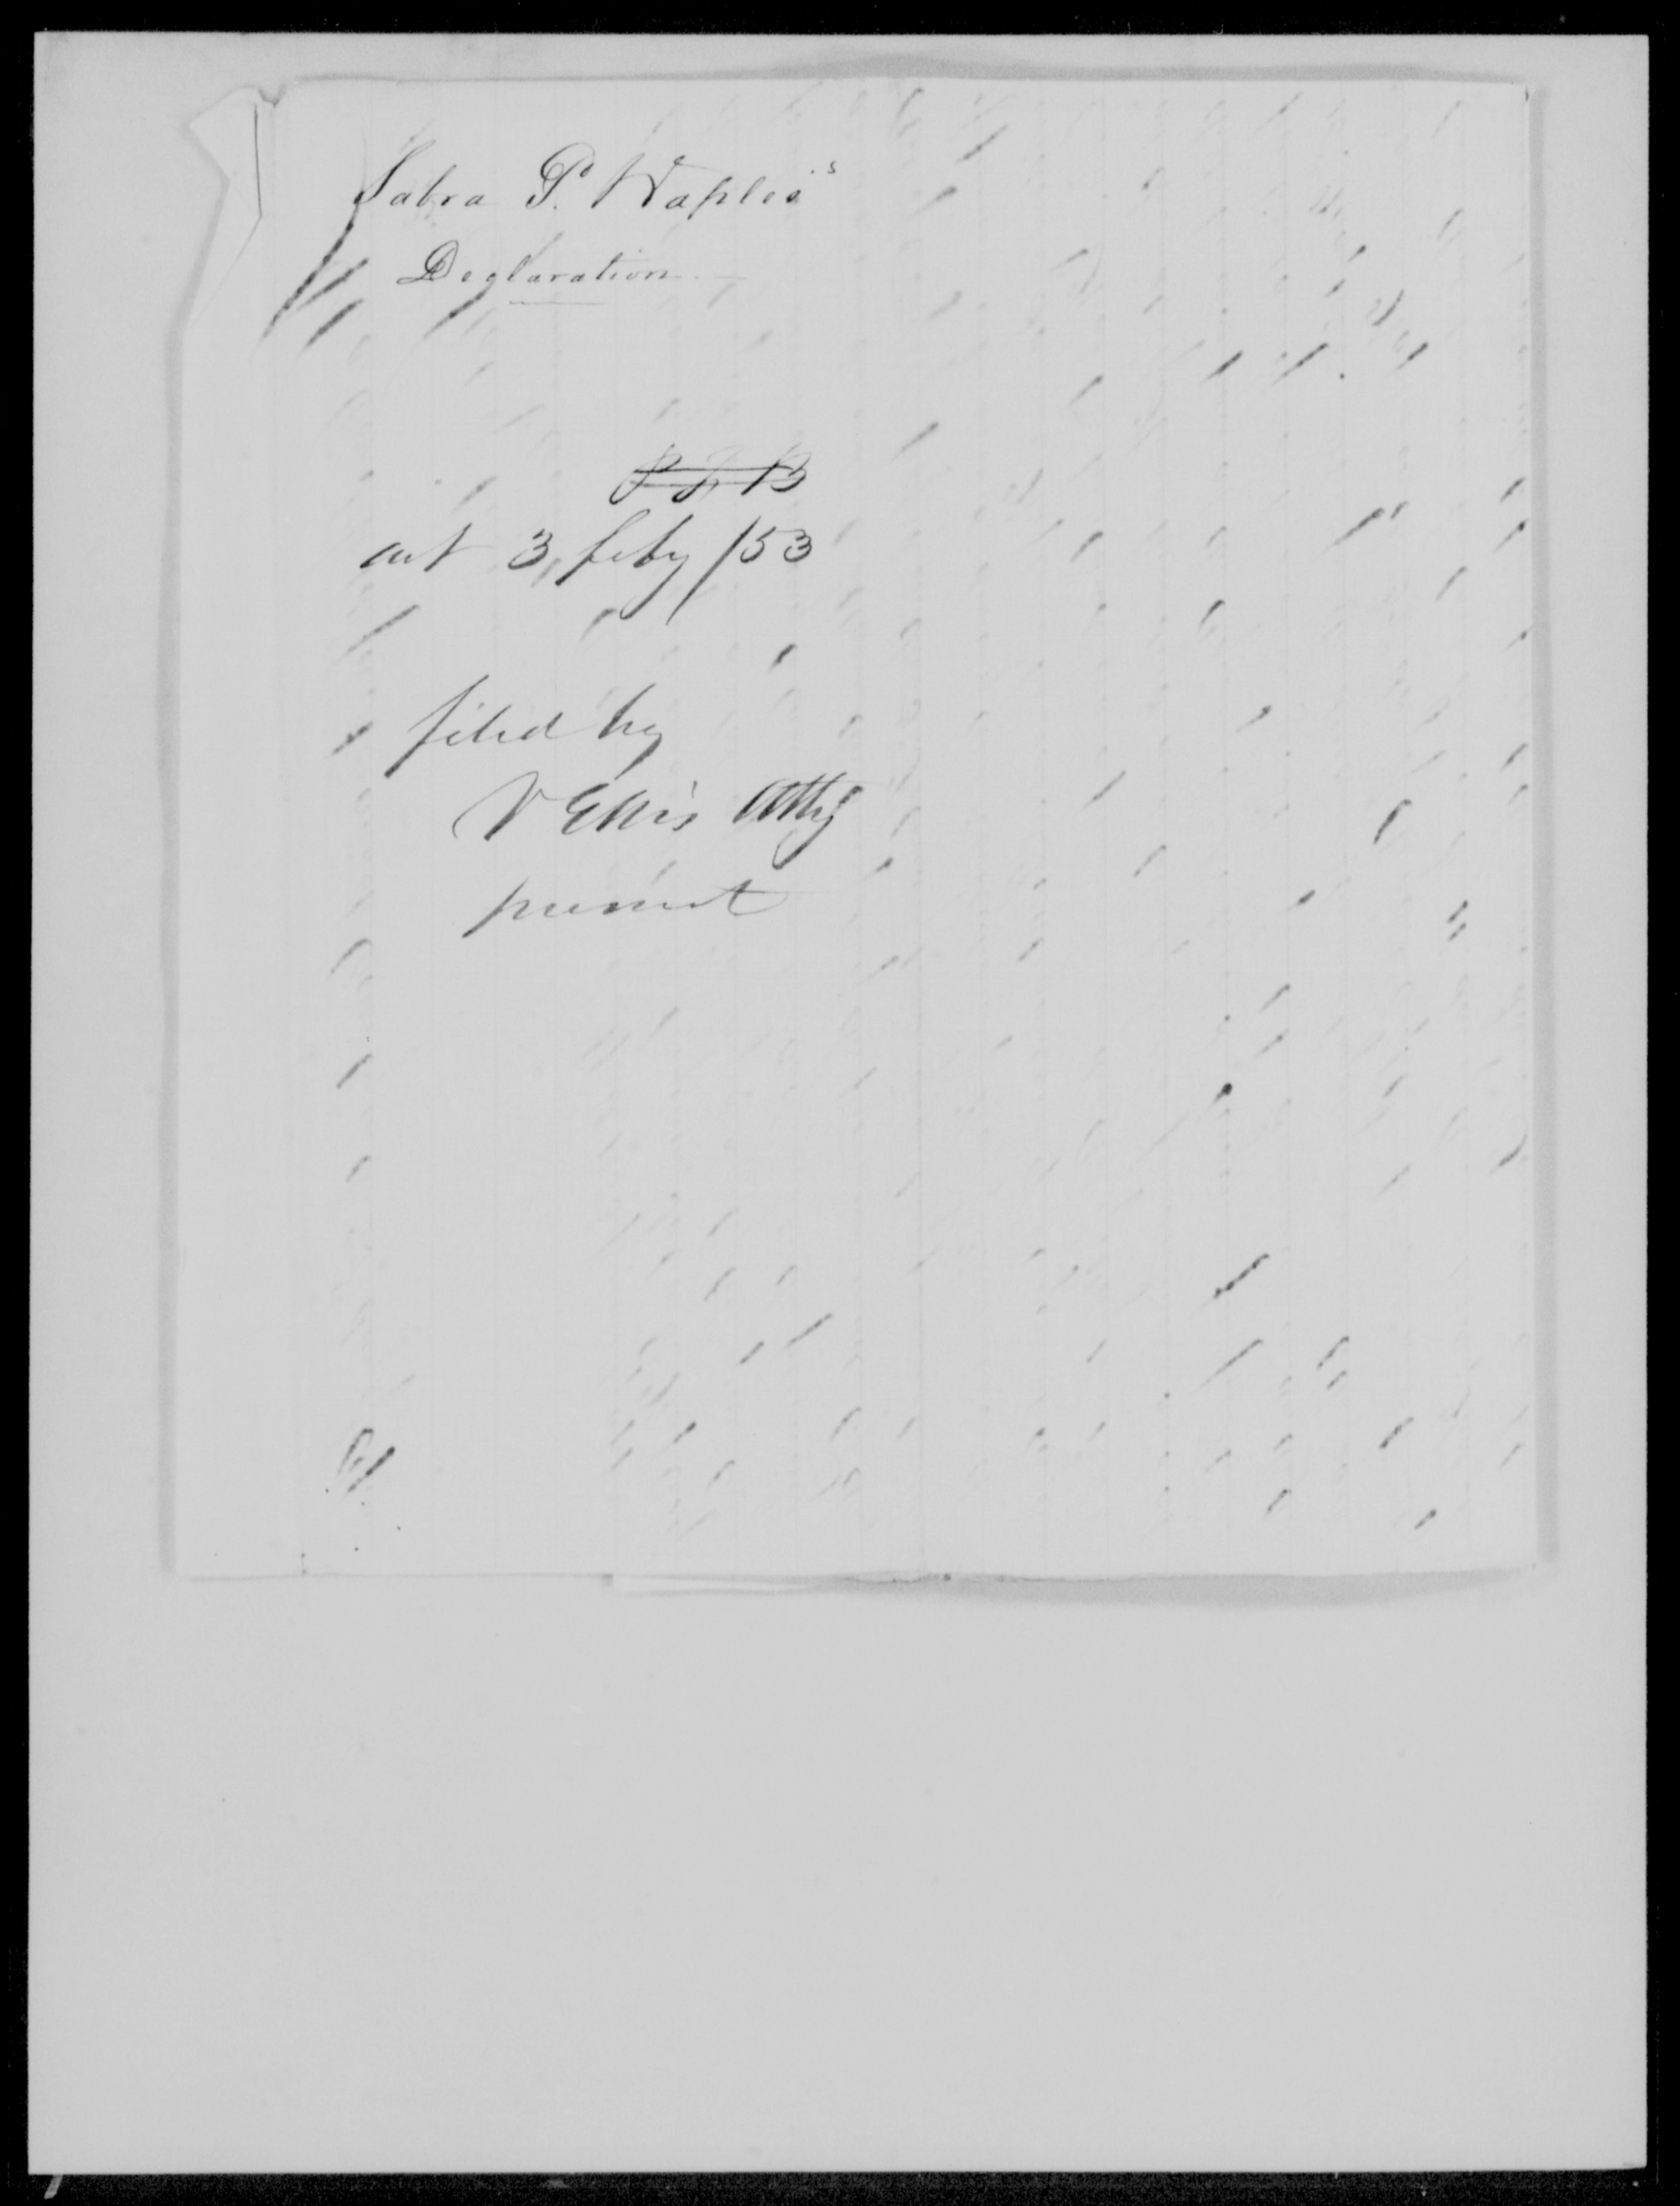Sabra P. Waples
Declaration

Act 3 Feby /53
filed by
V Ellis Atty
present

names: V Ellis, Sabra P Waples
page: 4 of 59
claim: widow's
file: W. 6427, Samuel Waples, Va.